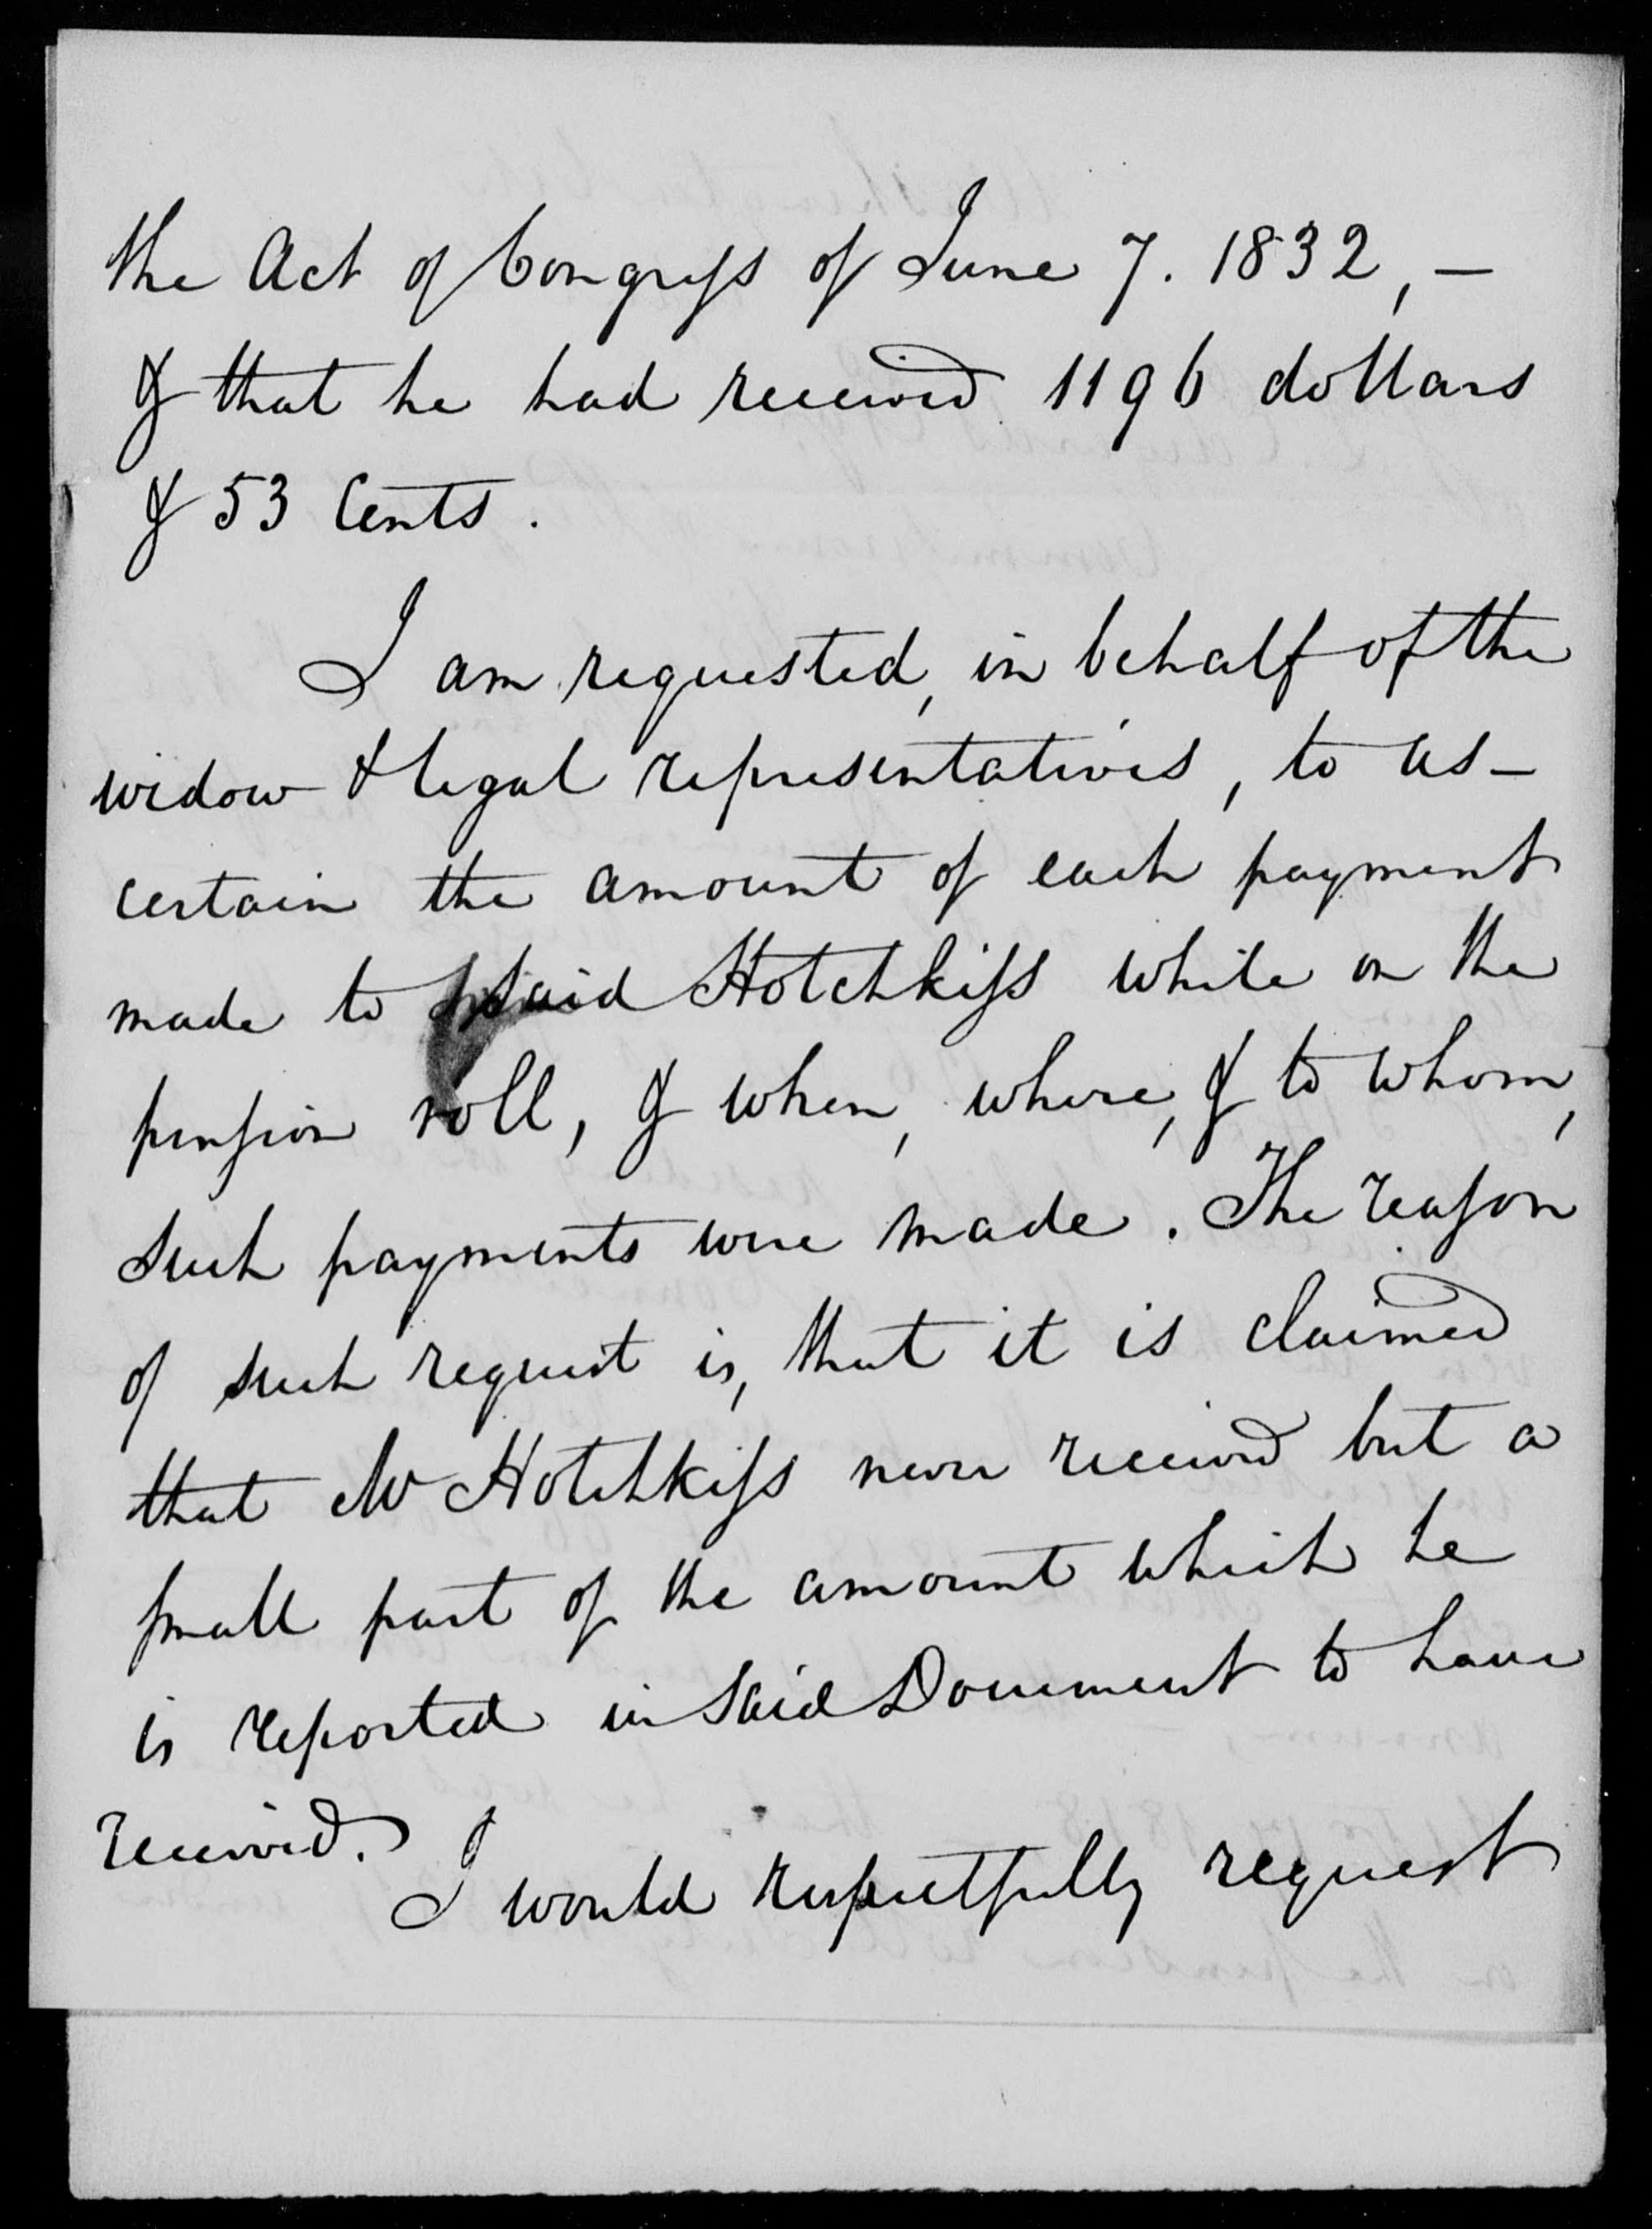the Act of congress of June 7, 1832,- + that he had received 1196 dollars + 53 cents.
I am requested, in behalf of the widow + and legal representatives, to ascertain the amount of each payment made to said Hotchkiss while on the pension roll, + when,. where, +, to whom such payments were made. The reason of such request, is that it is claimed that W Hotchkiss never received but a small part of the amount which he is reported in Said Document to have received.
I would respectfully request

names: Hotchkiss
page: 21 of 25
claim: widow's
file: W. 18,021, Isaac Hotchkiss, Conn.